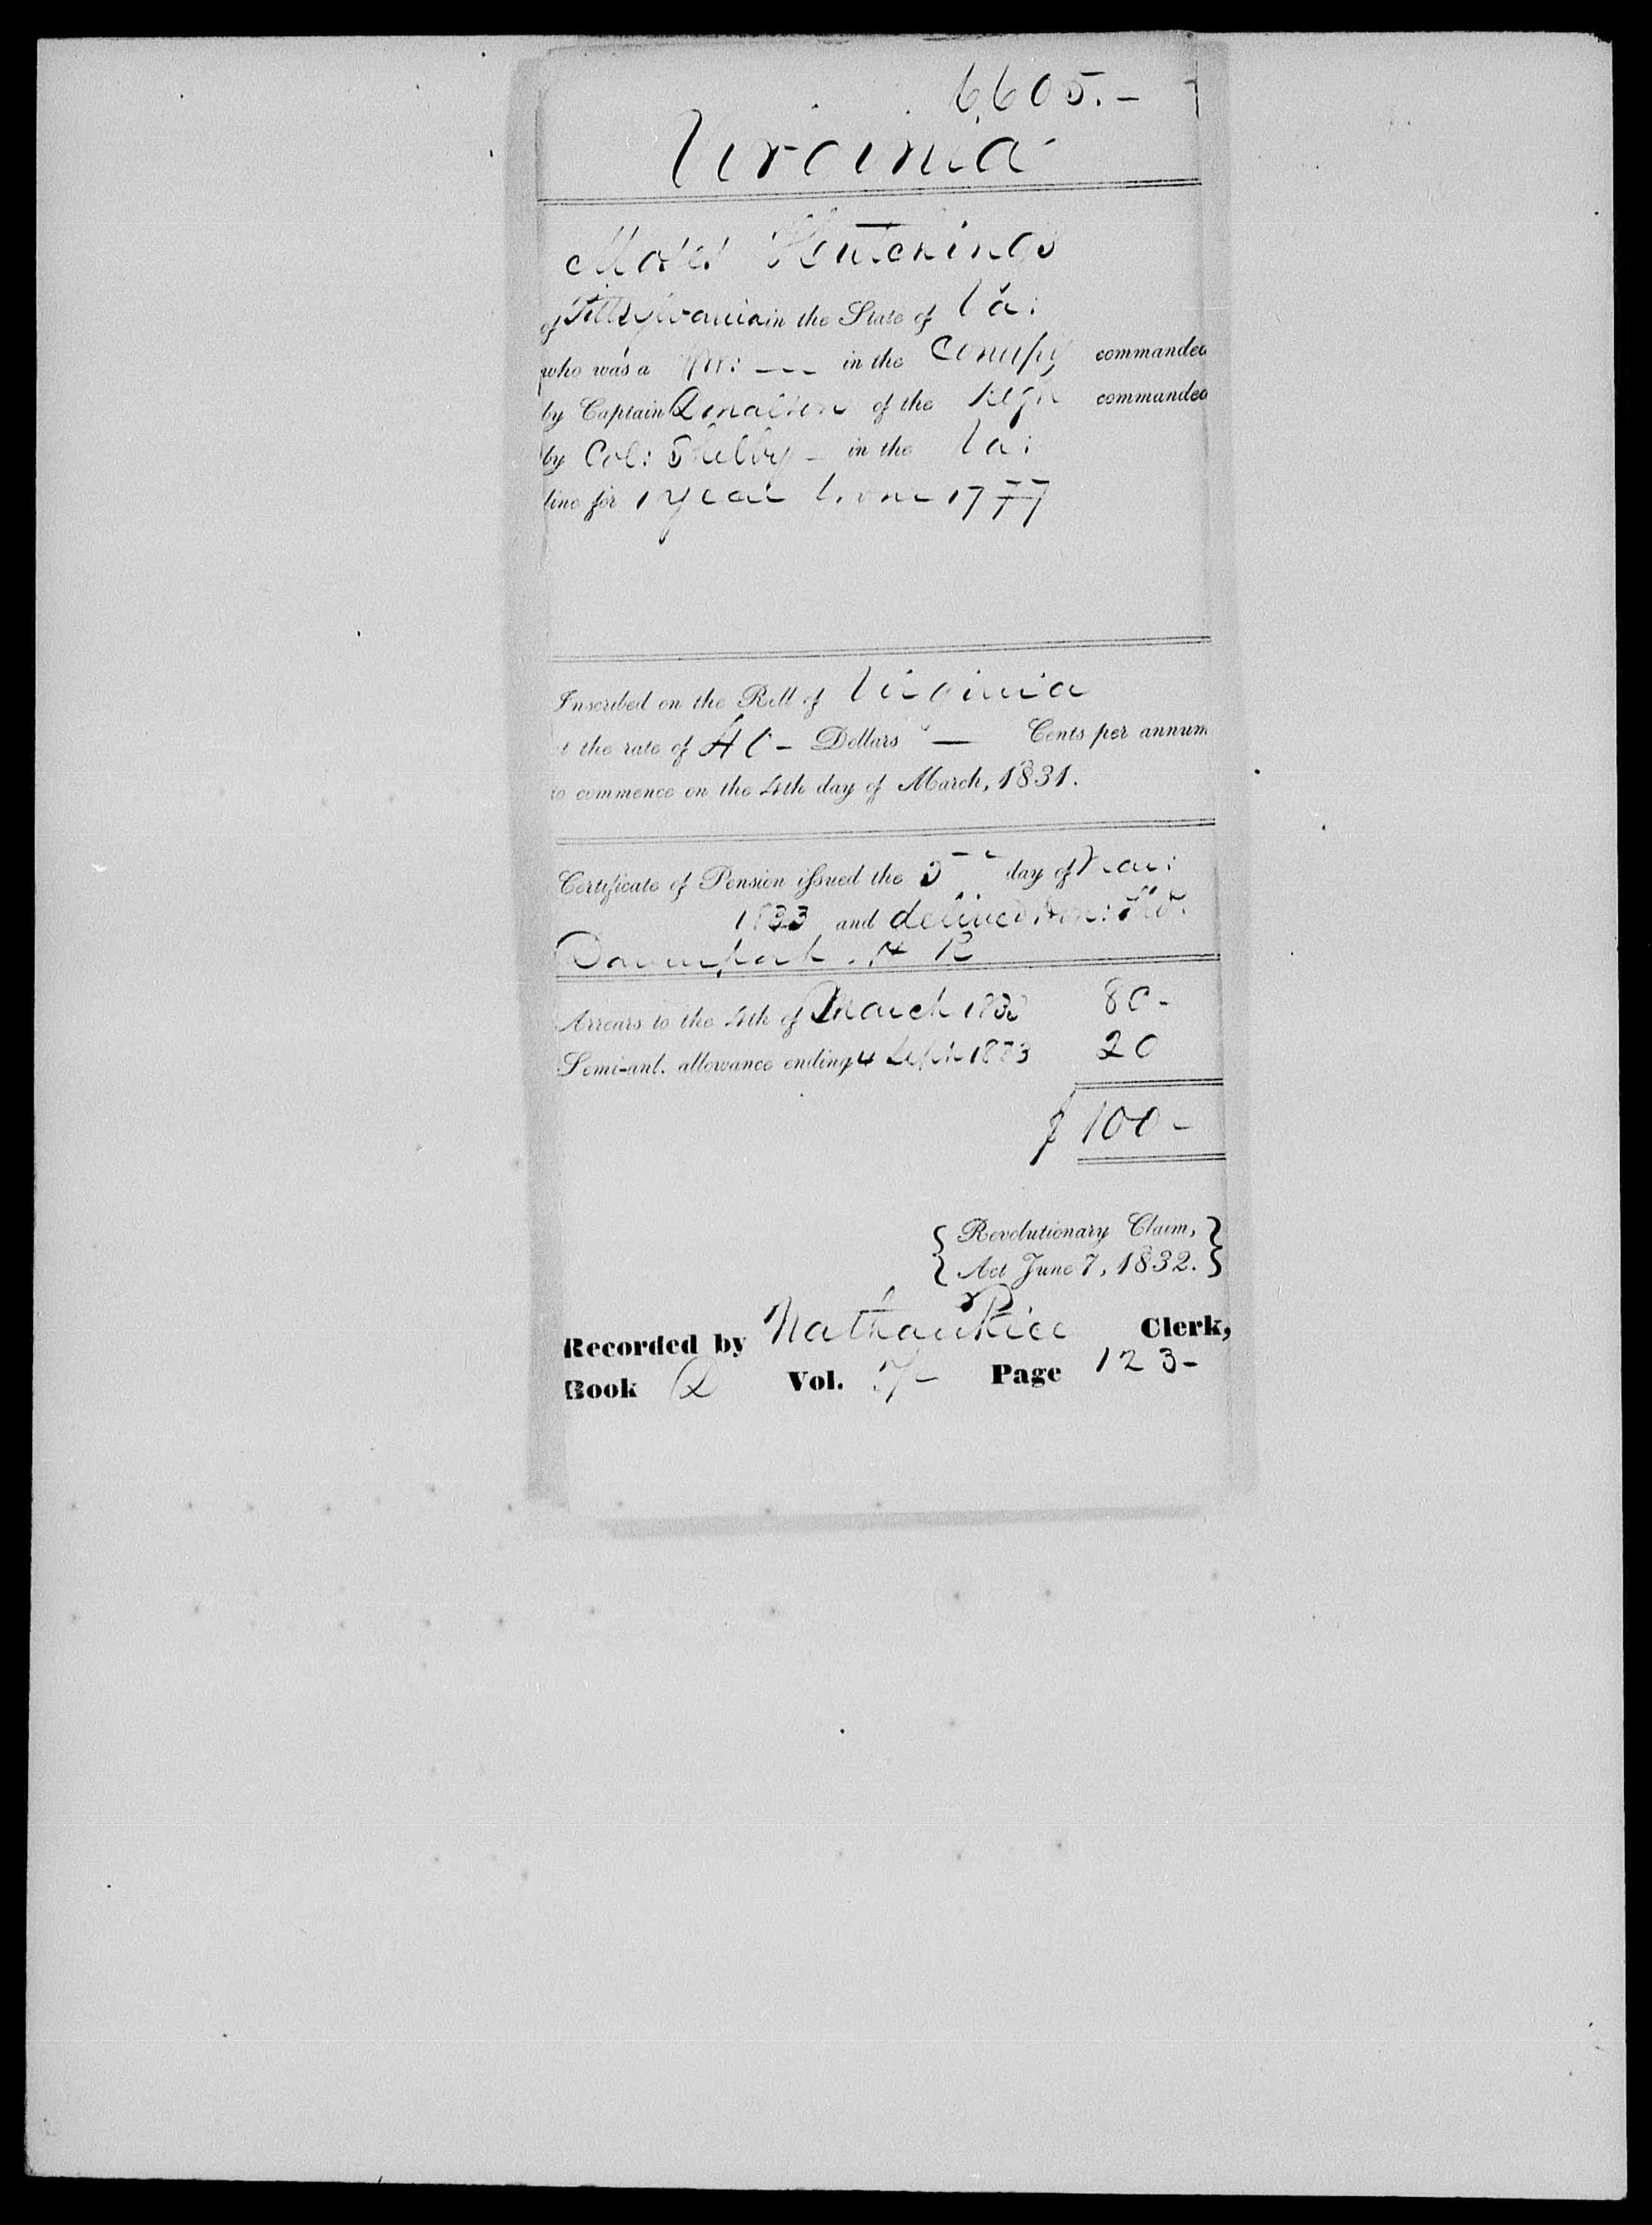[typed form, with handwritten responses]

6605. -
Virginia

Moses Hutchings
of Pittsylvania in the State of Va.
who was a pr [Private] -- in the Compy [Company] commanded by Captain Donalson of the Regt. commanded by Col. Shelby in the Va. line for 1 year from 1777

Inscribed on the Roll of Virginia
at the rate of 40 - Dollars - Cents per annum,
to commence on the 4th day of March 1831.

Certificate of Pension issued the 5th day of Mar: 1833 and delivered Hon: Tho. Davenport H R

Arrears to the 4th of March 1832 – 80-
Semi=anl. [annual] allowance ending 4 Septr [September] 1833 
20
$100-

{Revolutionary Claim}
{Act June 7, 1832}

Recorded by Nathan Rice, Clerk,
Book D Vol. 7 - Page 123 -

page: 2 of 18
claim: survivor's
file: S. 8742, for Moses Hutchings, Virginia